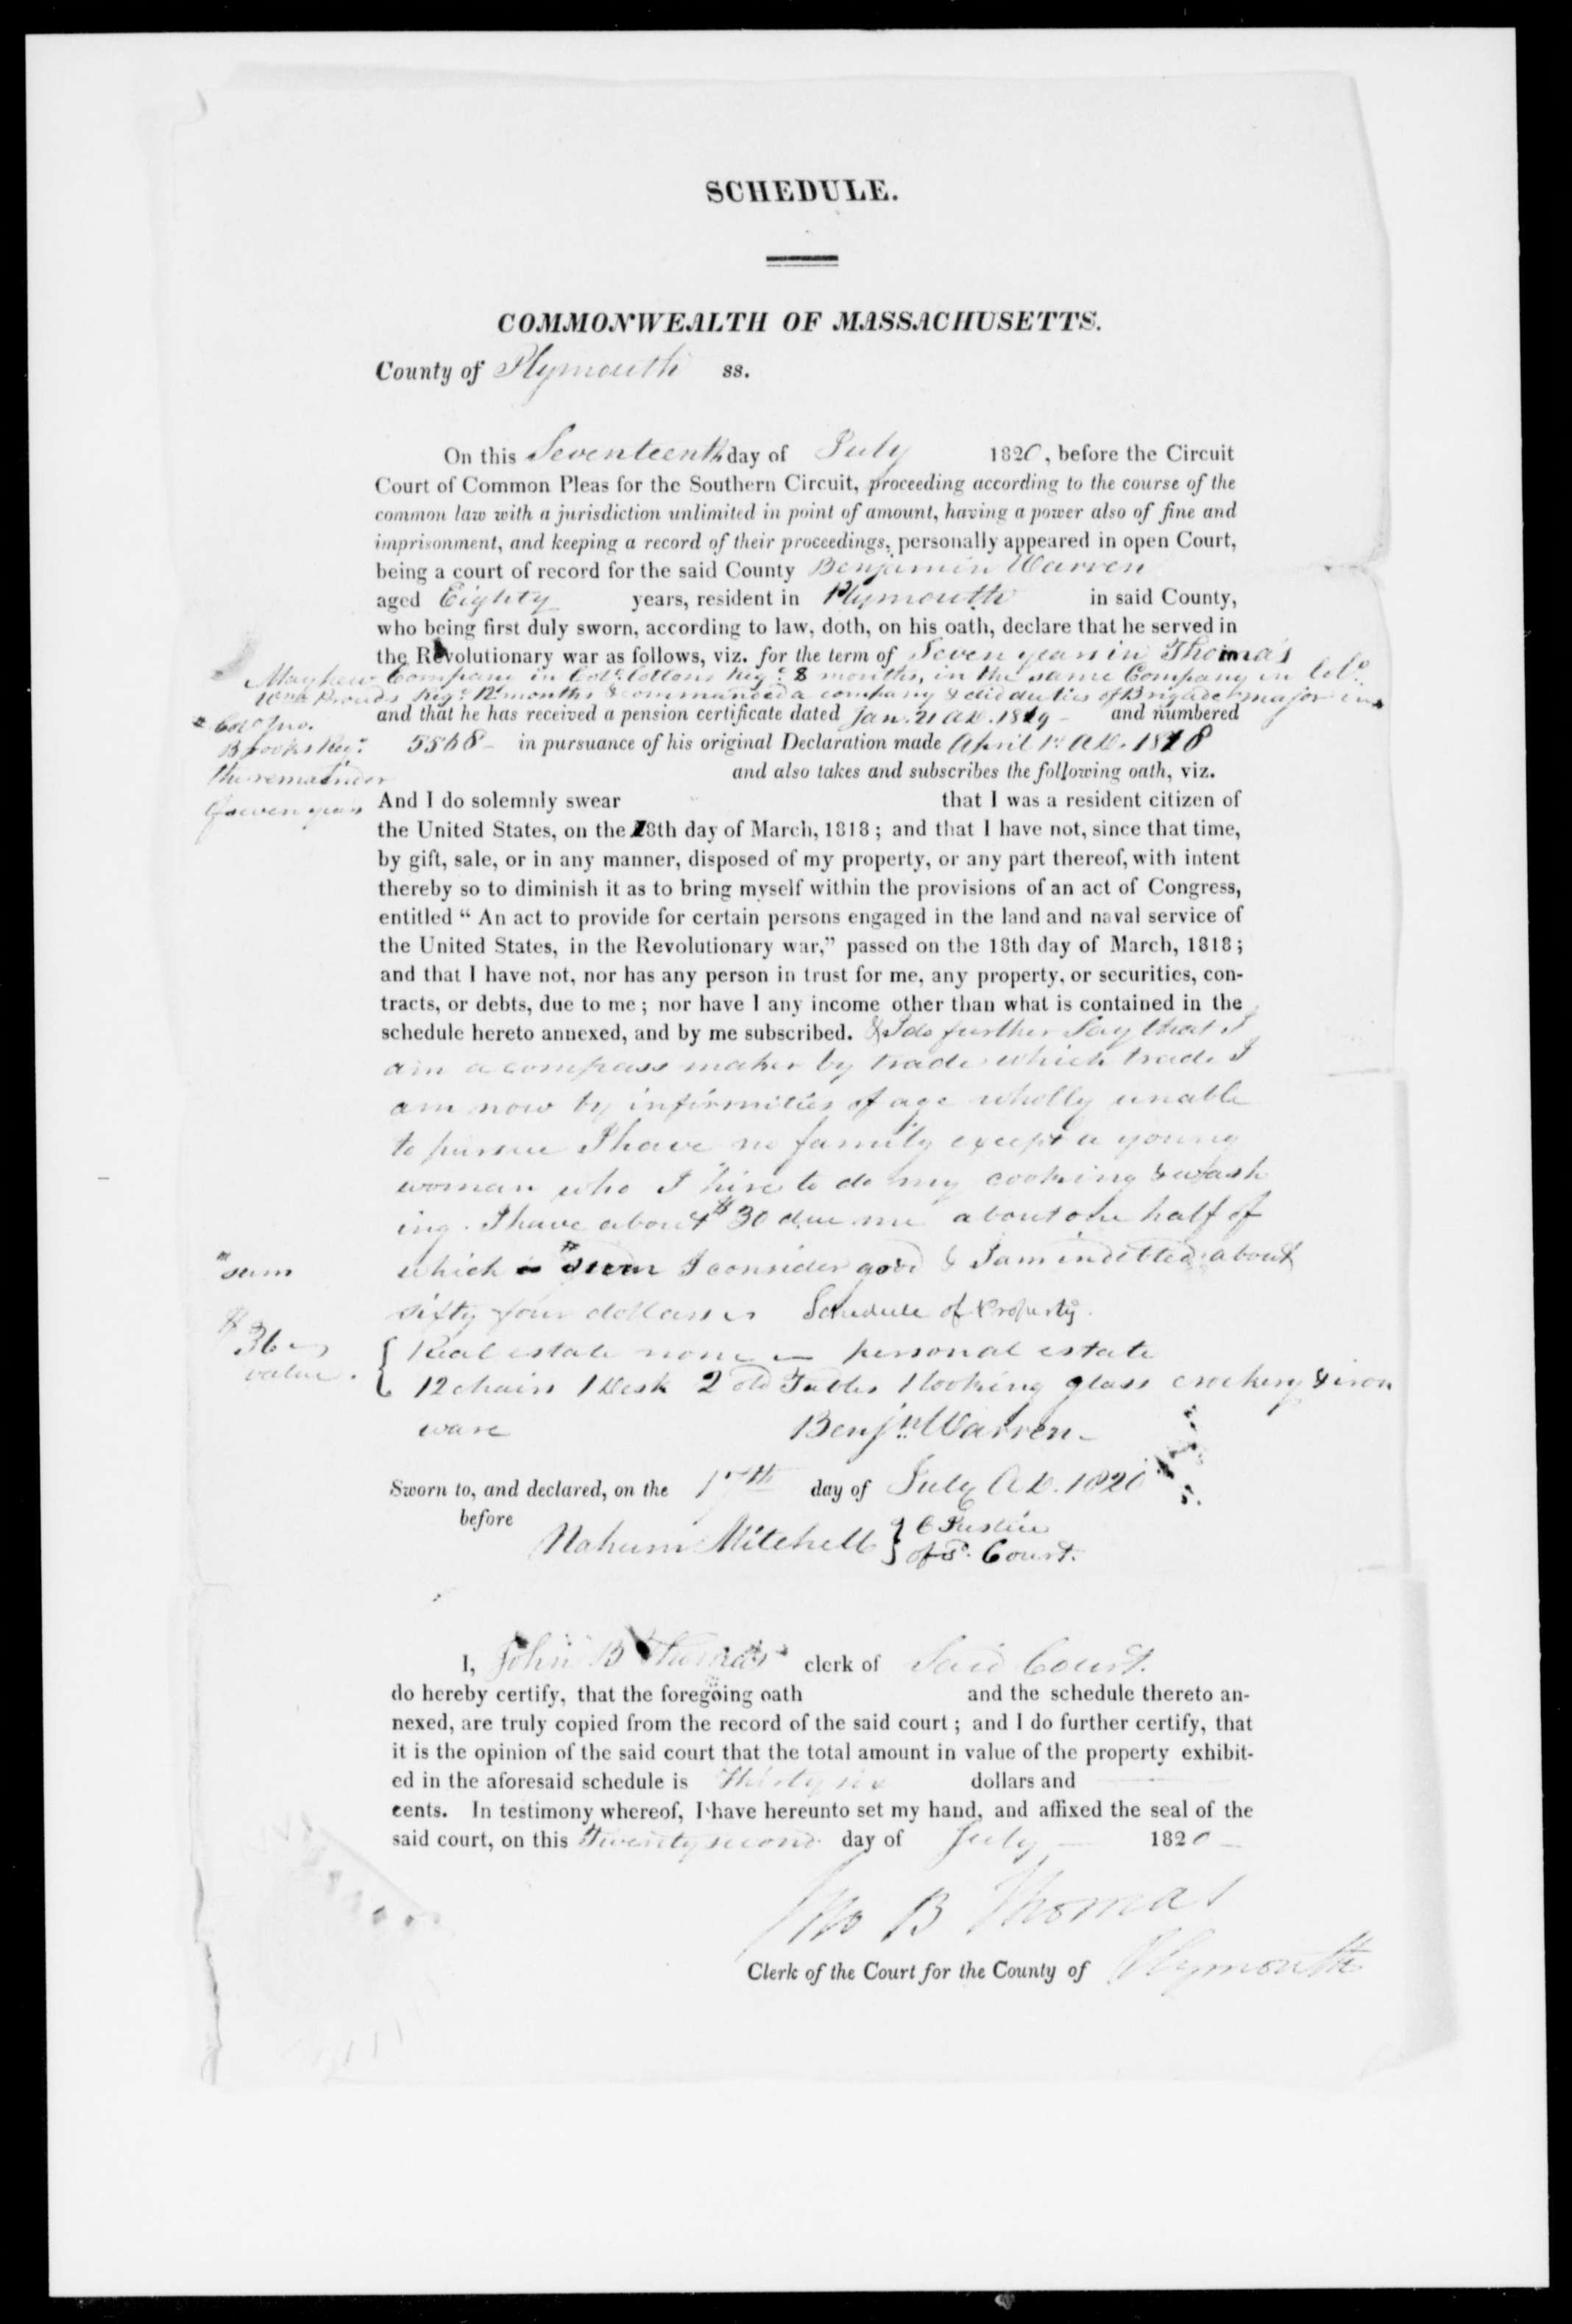Commonwealth of Massachusetts
County of Plymouth ss.

On this seventeenth day of July 1820, before the Circuit Court of Common Pleas for the Southern Circuit, proceeding according to the course of the common law with a jurisdiction unlimited in point of amount, having the power also of fine and imprisonment, and keeping a record of their proceedings, personally appeared in open Court, being a court of record for the said County Benjamin Warren aged Eighty years resident in Plymouth in said County, who being first duly sworn, according to law, doth, on his oath, declare that he served in the Revolutionary war as follows, viz, for the term of seven years in Thomas Mayhew Company in Col. Cottons Regt.; 8 months in the same company in Col. Prouds Regt; 12 months & commanded a company & did duties of Brigade Major in Col. Jno. Brooks Regt the remainder of seven years; and that he has received a pension certificate dated Jan. 21, 1819 and numbered 5568 in pursuance of his original Declaration made April 1st 1818 and also takes and subscribed the following oath, viz.
And I do solemnly swear that I was a resident citizen of the United States on the 18th day of March 1818; and that I have not, since that time, by gift, sale, or in any manner disposed of my property, or any part thereof with intent thereby so to diminish it as to bring myself within the provisions of an act of Congress, entitled "An act to provide for certain persons engaged in the land and naval service of the United States, in the Revolutionary war," passed on the 18th day of March, 1818; and that I have not, nor has any person in trust for me, any property, or securities, contracts, or debts, due to me; nor have I any income other than what is contained in the schedule hereto annexed and by me subscribed. And I do further say that I am a compass maker by trade which trade I am now by infirmities of age wholly unable to pursue. I have no family except a young woman who I hire to do my cooking & washing. I have about $30 due me about the half of which sum I consider good & I am indebted about sixty four dollars.--Schedule of Property.
Real estate none-personal estate  12 chairs,1 dish, 2 old tables, 1 looking glass, crockery & iron ware $36.00 value
Benjamin Warren
Sworn to and declared on the 17th day of July A. D. 1820 before
Nahum Mitchell Justice of sd. Court

I, John B. Thomas, clerk of said court do hereby certify that the foregoing oath and the schedule thereto annexed, are truly copied from the record of the said court; and I do further certify that it is the opinion of the said court that the total amount in value of the property exhibited in the aforesaid schedule is thirty six dollars and ---cents. In testimony whereof, I have hereunto set my hand, and affixed the seal of the said court on this twenty second day of July 1820
(seal)
Jno. B. Thomas
Clerk of the Court for the County of Plymouth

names: Benjamin Warren, Nahum Mitchell, John B Thomas, Jno B Thomas, Benja Warren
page: 6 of 16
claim: survivor's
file: S. 33229, Benjamin Warren, Mass.